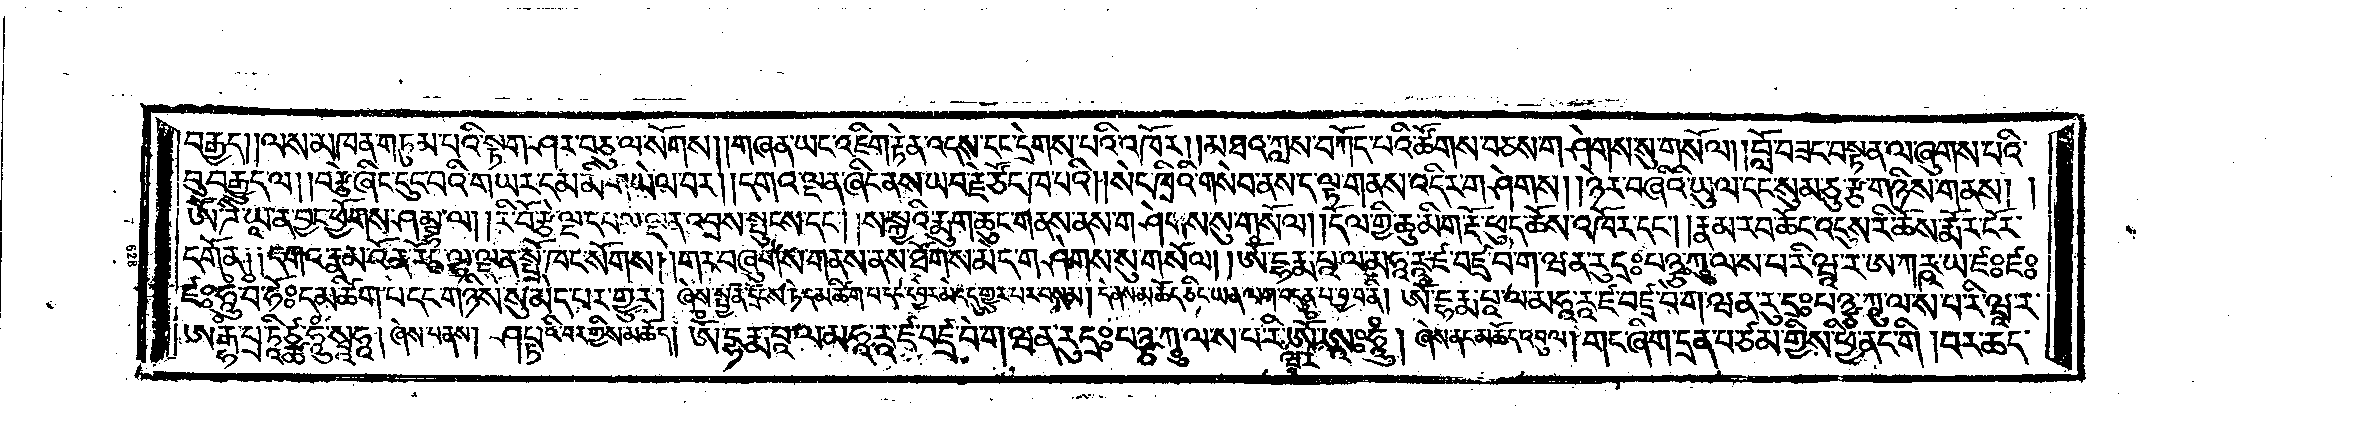བརྒྱད། །ལས་མཁན་གཏུམ་པའི་སྟག་ཤར་བཅུ་ལ་སོགས། །གཞན་ཡང་འཇིག་རྟེན་འདས་དང་དྲེགས་པའི་འཁོར། །མཐའ་ཀླས་བཀོད་པའི་ཚོགས་བཅས་གཤེགས་སུ་གསོལ། །བློ་བཟང་བསྟན་ལ་ཞུགས་པའི་
བུ་བརྒྱུད་ལ། །བརྩེ་ཞིང་དུང་བའི་གཡར་དམ་མི་གཡེལ་བར། །དགའ་ལྡན་ཞིང་ནས་ཡབ་རྗེ་ཙོང་ཁ་པའི། །སེང་ཁྲིའི་གསེབ་ནས་ད་ལྟ་གནས་འདིར་གཤེགས། །ཉེར་བཞིའི་ཡུལ་དང་སུམ་ཅུ་རྩ་གཉིས་གནས། །
ཨོ་ཌི་ཡཱ་ན་བྱང་ཕྱོགས་ཤམྦྷ་ལ། །རི་པོ་རྩེ་ལྔ་དཔལ་ལྡན་འབྲས་སྤུངས་དང་། །ས་སྐྱའི་རྨུག་ཆུང་གནས་ནས་གཤེགས་སུ་གསོལ། །དོལ་གྱི་ཆུ་མིག་རྡོ་ཕུད་ཆོས་འཁོར་དང་། །རྣམ་རབ་ཚོང་འདུས་རི་ཆོས་རྨོར་ངོར་
དགོན༑ ༑དགའ་རྣམ་འོན་རོང་ལྷ་ལྡན་སྤྲོ་ཁང་སོགས། །གར་བཞུགས་གནས་ནས་ཐོགས་མེད་གཤེགས་སུ་གསོལ། །དོལ་གྱི་ཆུ་མིག་རྡོ་ཕུད་ཆོས་འཁོར་དང་། །རྣམ་རབ་ཚོང་འདུས་རི་ཆོས་རྨོར་ངོར་
ཛཿ ཧཱུཾ་བཾ་ཧོཿ དམ་ཚིག་པ་དང་གཉིས་སུ་མེད་པར་གྱུར། ཞེས་སྤྱན་དྲངས་ཏེ་དམ་ཚིག་པ་དང་དབྱེར་མེད་དུ་གྱུར་པར་བསམ། དེ་ནས་མཆོད་ཅིང་ཡན་ལག་བདུན་པ་བྱ་བ་ནི།  ཨོཾ་དྷརྨ་པཱ་ལ་མཧཱ་རཱ་ཛ་བཛྲ་པེ་ག་ཝན་རུ་དྲཿ པཉྩ་ཀཱུ་ལ་ས་པ་རི་ཝཱ་ར་
ཨརྒྷཾ་པྲ་ཏཱི་ཙྪ་ཧཱུཾ་སྭཱཧཱ། ཞེས་པ་ནས།  ཤཔྟའི་བར་གྱིས་མཆོད།  ཨོཾ་དྷརྨ་པཱ་ལ་མཧཱ་རཱ་ཛ་བཛྲ་པེ་ག་ཝན་རུ་དྲཿ པཉྩ་ཀཱུ་ལ་ས་པ་རི་པཱ་ར་ཨོཾ་ཨཱཿ ཧཱུཾ། ཞེས་ནང་མཆོད་འབུལ།  གང་ཞིག་དྲན་པ་ཙམ་གྱིས་ཕྱི་ནང་གི །བར་ཆད་